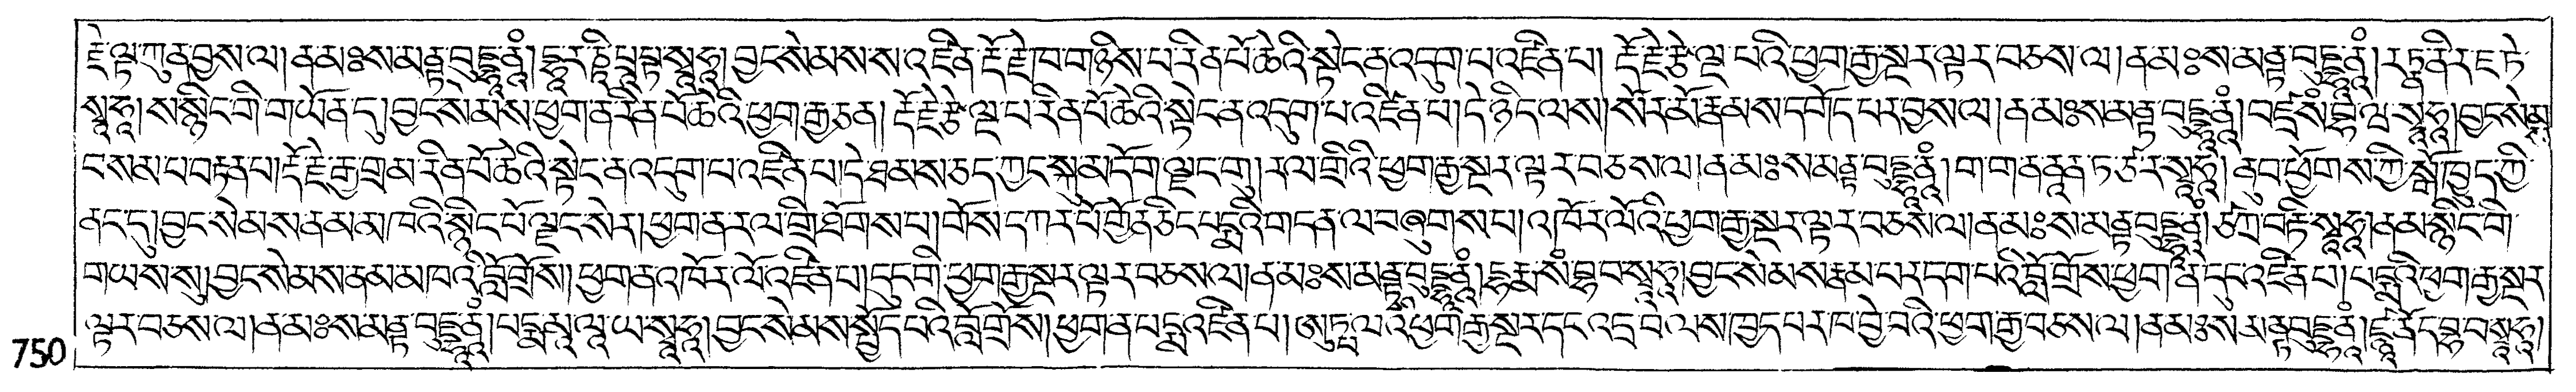རྗེ་ལྟ་ཀུན་བྱས་ལ། ན་མཿ ས་མནྟ་བུདྡྷཱ་ནཱཾ། དྷཱ་ར་ཎཱི་པྲཱཔྟ་སྭཱཧཱ། བྱང་སེམས་ས་འཛིན་རྡོ་རྗེ་ཁ་གཉིས་པ་རིན་པོ་ཆེའི་སྟེང་ན་འདུག་པ་འཛིན་པ། རྡོ་རྗེ་རྩེ་ལྔ་པའི་ཕྱག་རྒྱ་སྔར་ལྟར་བཅས་ལ། ན་མཿ ས་མནྟ་བུདྡྷཱ་ནཱཾ། རཏྣ་ནི་ར་ཇ་ཏེ་
སྭཱཧཱ། ས་སྙིང་གི་གཡོན་དུ། བྱང་སེམས་ཕྱག་ན་རིན་པོ་ཆེའི་ཕྱག་རྒྱ་ཅན། རྡོ་རྗེ་རྩེ་ལྔ་པ་རིན་པོ་ཆེའི་སྟེང་ན་འདུག་པ་འཛིན་པ། དེ་ཉིད་ལས། སོར་མོ་རྣམས་དགོད་པར་བྱས་ལ། ན་མཿ ས་མནྟ་བུདྡྷཱ་ནཱཾ། བཛྲ་སཾབྷ་ཝ་སྭཱཧཱ། བྱང་སེམས་
བསམ་པ་བརྟན་པ། རྡོ་རྗེ་རྒཡ་གྲམ་རིན་པོ་ཆེའི་སྟེང་ན་འདུག་པ་འཛིན་པ། དེ་ཐམས་ཅད་ཀྱང་སྐུ་མདོག་ལྗང་གུ །རལ་གྲིའི་ཕྱག་རྒྱ་སྔར་ལྟར་བཅས་ལ། ན་མཿ ས་མནྟ་བུདྡྷཱ་ནཱཾ། ག་ག་ན་ནཱན་ཏ་ཙ་ར་སྭཱཧཱ། ནུབ་ཕྱོགས་ཀྱི་སྒོ་ཁྱུད་ཀྱི་
ནང་དུ། བྱང་སེམས་ནམ་མཁའི་སྙིང་པོ་ལྗང་སེར། ཕྱག་ན་རལ་གྲི་ཐོགས་པ། གོས་དཀར་པོ་གྱོན་ཅིང་པདམའི་གདན་ལ་བཞུགས་པ། འཁོར་ལོའི་ཕྱག་རྒྱ་སྔར་ལྟར་བཅས་ལ། ན་མཿ ས་མནྟ་བུདྡྷཱ་ནཱཾ། ཙཀྲ་བརྟི་སྭཱཧཱ། ནམ་སྙིང་གི་
གཡས་སུ། བྱང་སེམས་ནམ་མཁའི་བློ་གྲོས། ཕྱག་ན་འཁོར་ལོ་འཛིན་པ། དུང་གི་ཕྱག་རྒྱ་སྔར་ལྟར་བཅས་ལ། ན་མཿ ས་མནྟྭ་བུདྡྷཱ་ནཱཾ། དྷརྨ་སཾ་བྷ་བ་སྭཱཧཱ། བྱང་སེམས་རྣམ་པར་དག་པའི་བློ་གྲོས་ཕྱག་ན་དུང་འཛིན་པ། པདམའི་ཕྱག་རྒྱ་སྔར་
ལྟར་བཅས་ལ། ན་མཿ ས་མནྟ་བུདྡྷཱ་ནཱཾ། པདམ་མཱ་ལཱ་ཡ་སྭཱཧཱ། བྱང་སེམས་སྤྱོད་པའི་བློ་གྲོས། ཕྱག་ན་པདམ་འཛིན་པ། ཨུཏྤ་ལའི་ཕྱག་རྒྱ་སྔར་དང་འདྲ་བ་ལས་ཁྱད་པར་ཁ་བྱེ་བའི་ཕྱག་རྒྱ་བཅས་ལ། ན་མཿ ས་མནྟ་བུདྡྷ་ནཱཾ། ཛྙཱ་ནོད་བྷ་བ་སྭཱཧཱ།